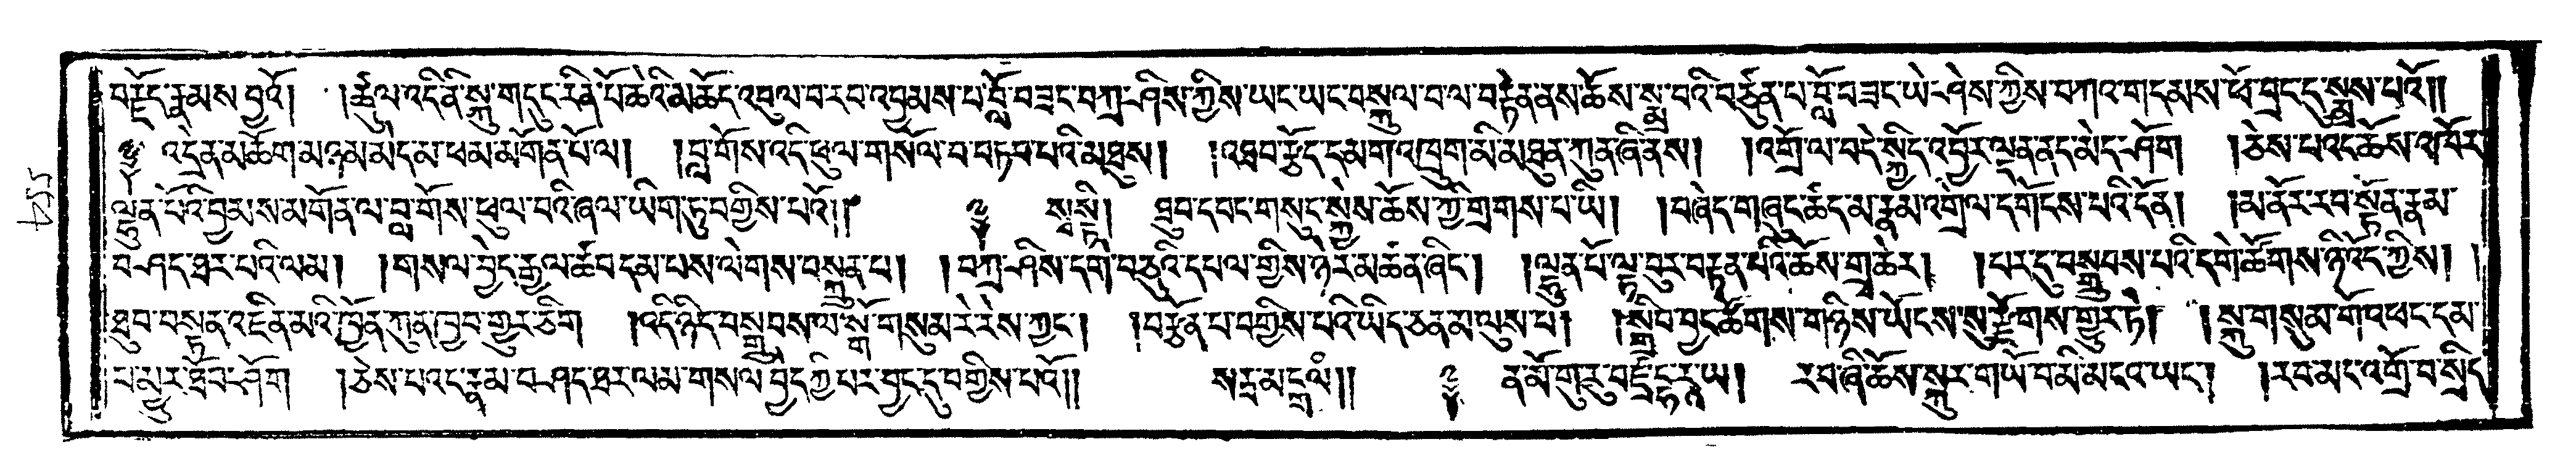བརྗོད་རྣམས་བྱའོ། །ཚུལ་འདི་ནི་སྐུ་གདུང་རིན་པོ་ཆེའི་མཆོད་འབུལ་བ་རབ་འབྱམས་པ་བློ་བཟང་བཀྲ་ཤིས་ཀྱིས་ཡང་ཡང་བསྐུལ་བ་ལ་བརྟེན་ནས་ཆོས་སྨྲ་བའི་བཙུན་པ་བློ་བཟང་ཡེ་ཤེས་ཀྱིས་བཀའ་གདམས་ཕོ་བྲང་དུ་སྨྲས་པའོ།།
༈ འདྲེན་མཆོག་མཉམ་མེད་མ་ཕམ་མགོན་པོ་ལ། །བླ་གོས་འདི་ཕུལ་གསོལ་བ་བཏབ་པའི་མཐུས། །འཐབ་རྩོད་དམག་འཁྲུག་མི་མཐུན་ཀུན་ཞི་ནས། །འགྲོ་ལ་བདེ་སྐྱིད་འབྱོར་ལྡན་ནད་མེད་ཤོག །ཅེས་པའང་ཆོས་འཁོར་
ལྷུན་པོའི་བྱམས་མགོན་ལ་བླ་གོས་ཕུལ་བའི་ཞལ་ཡིག་ཏུ་བགྱིས་པའོ།། ༈ སྭསྟི། ཐུབ་དབང་གསུང་སྐྱེས་ཆོས་ཀྱི་གྲགས་པ་ཡི། །བཞེད་གཞུང་ཚད་མ་རྣམ་འགྲེལ་དགོངས་པའི་དོན། །མ་ནོར་རབ་སྟོན་རྣམ་
བཤད་ཐར་པའི་ལམ། །གསལ་བྱེད་རྒྱལ་ཚབ་དམ་པས་ལེགས་བསྐྲུན་པ། །བཀྲ་ཤིས་དགེ་བཅུའི་དཔལ་གྱིས་ཉེར་མཚན་ཞིང་། །ལྷུན་པོ་ལྟ་བུར་བརྟན་པའི་ཆོས་གྲྭ་ཆེར། །པར་དུ་བསྒྲུབས་པའི་དགེ་ཚོགས་ཉི་འོད་ཀྱིས། །
ཐུབ་བསྟན་འཛིན་མའི་ཁྱོན་ཀུན་ཁྱབ་གྱུར་ཅིག །འདི་ཉིད་བསྒྲུབས་ལ་སྒོ་གསུམ་རེ་རེས་ཀྱང་། །བརྩོན་པ་བགྱིས་པའི་ཡིད་ཅན་མ་ལུས་པ། །སྒྲིབ་བྱང་ཚོགས་གཉིས་ཡོངས་སུ་རྫོགས་གྱུར་ཏེ། །སྐུ་གསུམ་གོ་འཕང་དམ་
པ་མྱུར་ཐོབ་ཤོག །ཅེས་པའང་རྣམ་བཤད་ཐར་ལམ་གསལ་བྱེད་ཀྱི་པར་བྱང་དུ་བགྱིས་པའོ།། སརྦ་མངྒ་ལཾ།། ༈ ན་མོ་གུ་རུ་བཛྲ་དྷ་རཱ་ཡ། རབ་ཞི་ཆོས་སྐུར་གཡོ་བ་མི་མངའ་ཡང་། །རབ་མང་འགྲོ་བ་སྲིད་